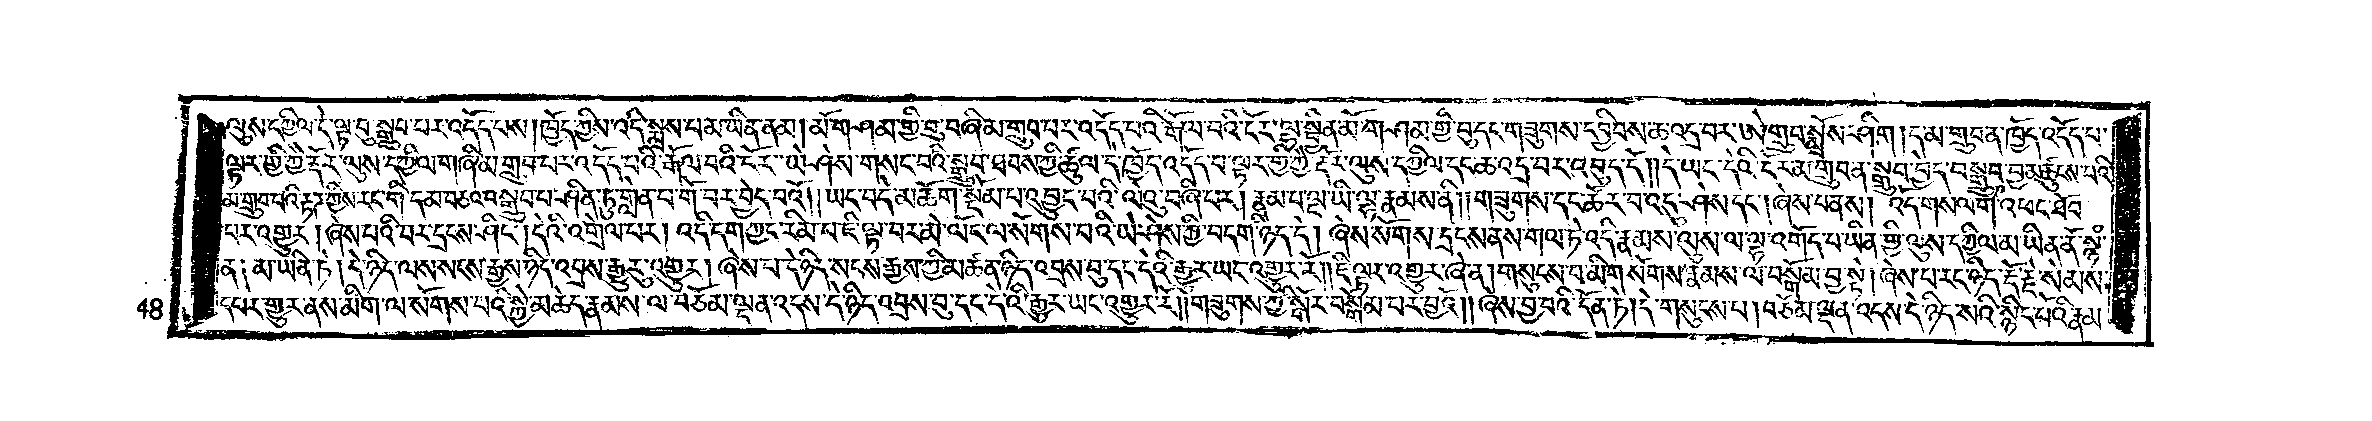ལུས་དཀྱིལ་དེ་ལྟ་བུ་སྒྲུབ་པར་འདོད་པས། ཁྱོད་ཀྱིས་འདི་སྨྲས་པ་མ་ཡིན་ནམ། མོ་གཤམ་གྱི་བུ་བཞི་མ་གྲུབ་པར་འདོད་པའི་རྒོལ་བའི་ངོར་ལྷ་སྦྱིན་མོ་གཤམ་གྱི་བུ་དང་གཟུགས་དབྱིབས་ཆ་འདྲ་བར་ཨེ་གྲུབ་སྨྲོས་ཤིག། ད་མ་གྲུབ་ན་ཁྱོད་འདོད་པ་
ལྟར་གྱི་ཀྱཻ་རྡོར་ལུས་དཀྱིལ་གཞི་མ་གྲུབ་པར་འདོད་པའི་རྒོལ་བའི་ངོར་ཡེ་ཤེས་གསང་བའི་སྒྲུབ་ཐབས་ཀྱི་ཚུལ་དེ་ཁྱོད་འདོད་པ་ལྟར་གྱི་ཀྱཻ་རྡོར་ལུས་དཀྱིལ་དང་ཆ་འདྲ་བར་འབུད་དོ། །དེ་ཡང་དེའི་ངོར་མ་གྲུབ་ན་སྒྲུབ་བྱེད་བསྒྲུབ་བྱ་མཚུངས་པའི་
མ་གྲུབ་པའི་རྟགས་ཀྱིས་རང་གི་དམ་བཅའ་བསྒྲུབ་པ་ཤིན་ཏུ་གླེན་པ་གོ་བར་བྱེད་པའོ། །ཡང་བདེ་མཆོག་སྡོམ་པ་འབྱུང་བའི་ལེའུ་བཞི་པར། རྣམ་པ་ལྔ་ཡི་ལྷ་རྣམས་ནི། །གཟུགས་དང་ཚོར་བ་འདུ་ཤེས་དང་། ཞེས་པ་ནས། འོད་གསལ་གི་འཕང་ཐོབ་
པར་འགྱུར། ཞེས་པའི་བར་དྲངས་ཤིང་། དེའི་འགྲེལ་པར། འདི་དག་ཀྱང་རིམ་པ་ཇི་ལྟ་བར་མེ་ལོང་ལ་སོགས་པའི་ཡེ་ཤེས་ཀྱི་བདག་ཉིད་དེ། ཞེས་སོགས་དྲངས་ནས་གལ་ཏེ་འདི་རྣམས་ལུས་ལ་ལྷ་འགོད་པ་ཡིན་གྱི་ལུས་དཀྱིལ་མ་ཡིན་ནོ་སྙམ་
ན༑ མ་ཡིན་ཏེ། དེ་ཉིད་ལས་སངས་རྒྱས་ཉིད་འབྲས་རྒྱུར་རུ་འགྱུར། ཞེས་པ་དེ་ཉིད་སངས་རྒྱས་ཀྱི་མཚན་ཉིད་འབྲས་བུ་དང་དེའི་རྒྱུར་ཡང་འགྱུར་རོ། །ཇི་ལྟར་འགྱུར་ཞེ་ན། གསུངས་པ་མིག་སོགས་རྣམས་ལ་བསྒོམ་བྱ་སྟེ། ཞེས་པ་རང་ཉིད་རྡོ་རྗེ་སེམས་
དཔར་གྱུར་ནས་མིག་ལ་སོགས་པའི་སྐྱེ་མཆེད་རྣམས་ལ་བཅོམ་ལྡན་འདས་དེ་ཉིད་འབྲས་བུ་དང་དེའི་རྒྱུར་ཡང་འགྱུར་རོ། །གཟུགས་ཀྱི་སྒོར་བསྒོམ་པར་བྱའོ། །ཞེས་བྱ་བའི་དོན་ཏེ། དེ་གསུངས་པ། བཅོམ་ལྡན་འདས་དེ་ཉིད་སའི་སྙིང་པོའི་རྣམ་